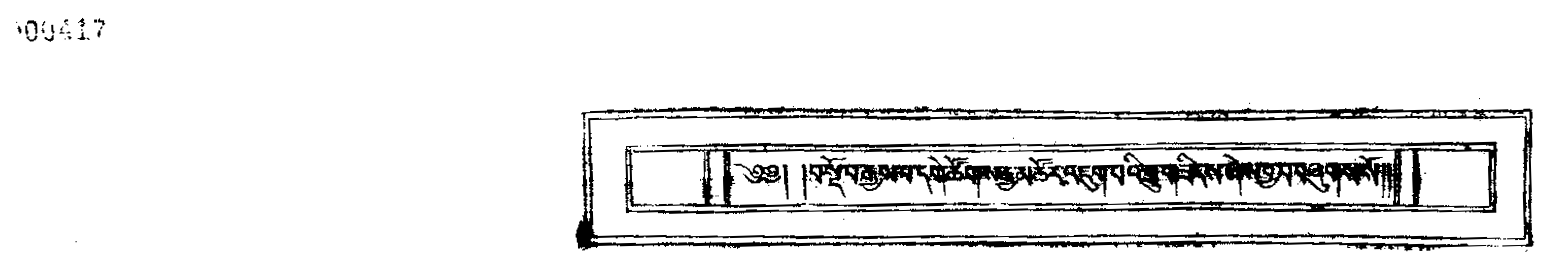༄༅། །བསྔོ་བ་རྒྱས་པ་དགེ་ཚོགས་རྒྱ་མཚོར་འཇུག་པའི་གྲུ་གཟིངས་ཞེས་བྱ་བ་བཞུགས་སོ།།